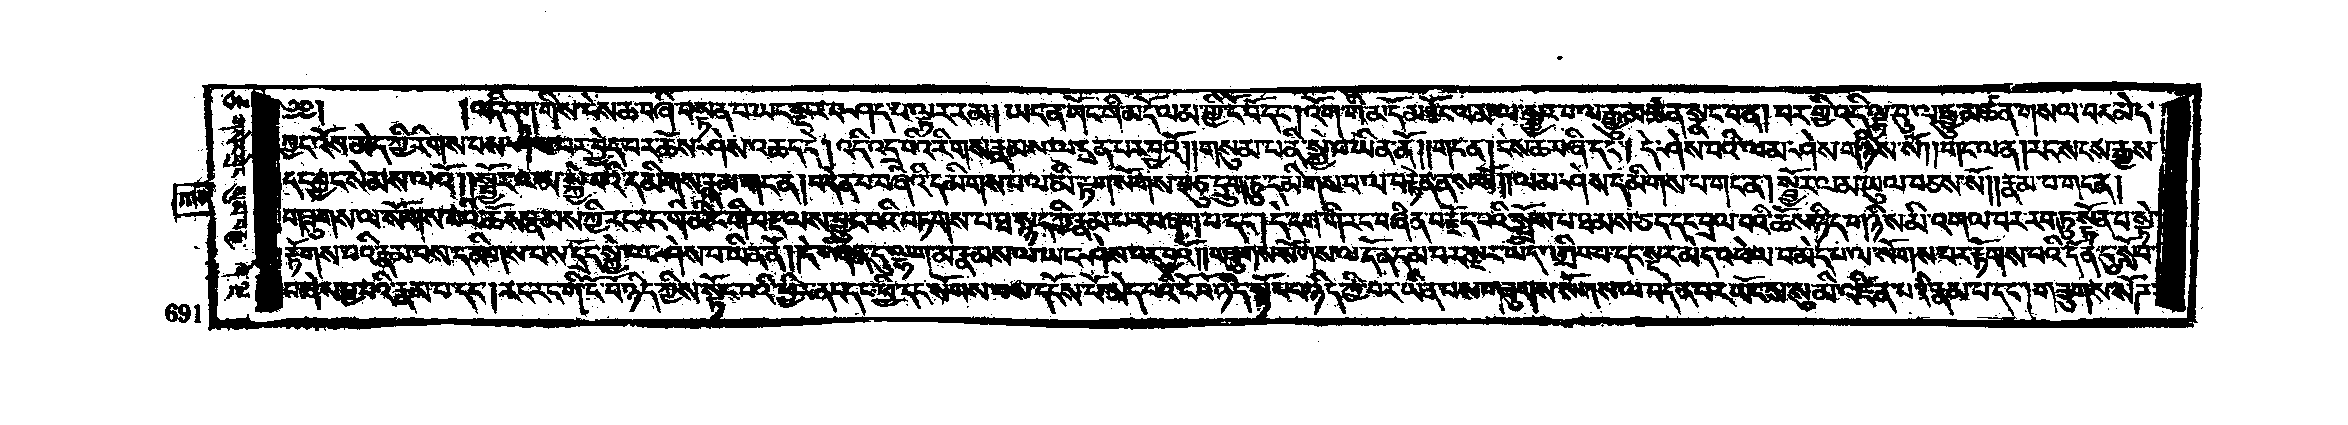༄༅། །འདི་དག་གིས་ངེས་ཆ་བཞི་བསྟན་པ་ཡང་སྔར་བཤད་པ་ལྟར་རམ། ཡང་ན་གོང་གི་མདོ་ལམ་གྱི་ངོ་བོ་དང་། འོག་གི་མདོ་མཐོང་ལམ་ལ་སྦྱར་བ་ལ་རྒྱུ་མཚན་སྣང་བ་ན། བར་གྱི་འདི་ལྟ་བུ་ལ་རྒྱུ་མཚན་གསལ་བར་མེད་
ཀྱང་འོས་མེད་ཀྱི་རིགས་པས་ཤེས་པར་བྱེད་པར་ཆོས་ཤེས་འཆད་དེ། འདི་འདྲ་བའི་རིགས་རྣམས་ལ་དྲན་པར་བྱའོ། །གསུམ་པ་ནི་སྐྱེ་བ་ཡིན་ནོ། །གང་ན། ངེས་ཆ་བཞི་དང་། དེ་ཤེས་པའི་ལམ་ཤེས་གཉིས་སོ། །གང་ལ་ན། རང་སངས་རྒྱས་
དང་བྱང་སེམས་ལའོ། །སྦྱོར་ལམ་སྐྱེ་བའི་དམིགས་རྣམ་གང་ན། བདེན་པ་བཞིའི་དམིགས་པ་ལ་མི་རྟག་སོགས་བཅུ་དྲུག་ཏུ་དམིགས་པ་ལ་བརྟེན་ནས་སོ། །ལམ་ཤེས་དམིགས་པ་གང་ན། སྦྱོར་ལམ་ཡུལ་བཅས་སོ། །རྣམ་པ་གང་ན།
གཟུགས་ལ་སོགས་པའི་ཆོས་རྣམས་ཀྱི་རང་རང་གི་མིང་གི་བརྡ་ལས་བྱུང་བའི་བཏགས་པ་ཐ་སྙད་ཀྱི་རྣམ་པར་བཞག་པ་དང་། དེ་དག་གི་རང་བཞིན་བརྗོད་པའི་སྤྲོས་པ་ཐམས་ཅད་དང་བྲལ་བའི་ཆོས་ཉིད་གཉིས་མི་འགལ་བར་རབ་ཏུ་སྟོན་པ་སྟེ་
རྟོགས་པའི་རྣམ་པས་དམིགས་པས་དྲོད་སྐྱེ་བར་ཤེས་པ་ཡིན་ནོ། །དེ་བཞིན་དུ་ལྷག་མ་རྣམས་ལ་ཡང་ཤེས་པར་བྱའོ། །གཟུགས་སོགས་ལ་དོན་དམ་པར་སྔར་ཡོད་འགྲིབ་པ་དང་སྔར་མེད་འཕེལ་བ་མེད་པ་ལ་སོགས་པར་རྟོགས་པའི་དོན་དུ་སློབ་
པ་ཞེས་བྱ་བའི་རྣམ་པ་དང་། རང་རང་གི་ངོ་བོ་ཉིད་ཀྱིས་སྟོང་པའི་ཕྱིར་ནང་དང་ཕྱི་དང་སོགས་པས་དངོས་པོ་མེད་པའི་ངོ་བོ་ཉིད་སྟོང་པ་ཉིད་ཀྱི་བར་ཡིན་པས་གཟུགས་སོགས་ལ་བདེན་པར་ཡོངས་སུ་མི་འཛིན་པའི་རྣམ་པ་དང་། གཟུགས་སོགས་